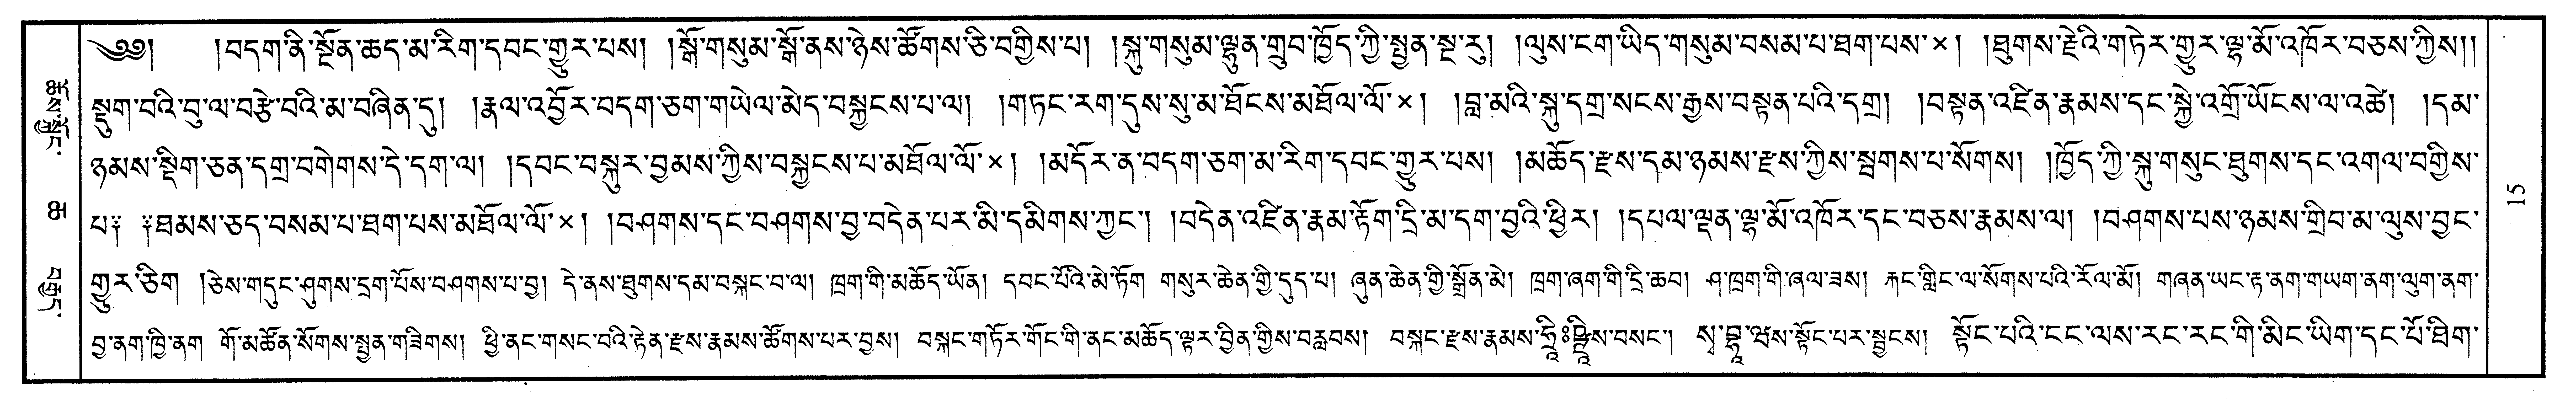༄༅། །བདག་ནི་སྔོན་ཆད་མ་རིག་དབང་གྱུར་པས། །སྒོ་གསུམ་སྒོ་ནས་ཉེས་ཚོགས་ཅི་བགྱིས་པ། །སྐུ་གསུམ་ལྷུན་གྲུབ་ཁྱོད་ཀྱི་སྤྱན་སྔ་རུ། །ལུས་ངག་ཡིད་གསུམ་བསམ་པ་ཐག་པས་྾། །ཐུགས་རྗེའི་གཏེར་གྱུར་ལྷ་མོ་འཁོར་བཅས་ཀྱིས།།
སྡུག་བའི་བུ་ལ་བརྩེ་བའི་མ་བཞིན་དུ། །རྣལ་འབྱོར་བདག་ཅག་གཡེལ་མེད་བསྐྱངས་པ་ལ། །གཏང་རག་དུས་སུ་མ་ཐོངས་མཐོལ་ལོ་྾། །བླ་མའི་སྐུ་དགྲ་སངས་རྒྱས་བསྟན་པའི་དགྲ། །བསྟན་འཛིན་རྣམས་དང་སྐྱེ་འགྲོ་ཡོངས་ལ་འཚེ། །དམ་
ཉམས་སྡིག་ཅན་དགྲ་བགེགས་དེ་དག་ལ། །དབང་བསྐུར་བྱམས་ཀྱིས་བསྐྱངས་པ་མཐོལ་ལོ་྾། །མདོར་ན་བདག་ཅག་མ་རིག་དབང་གྱུར་པས། །མཆོད་རྫས་དམ་ཉམས་རྫས་ཀྱིས་སྦགས་པ་སོགས། །ཁྱོད་ཀྱི་སྐུ་གསུང་ཐུགས་དང་འགལ་བགྱིས་
པ༑ ༑ཐམས་ཅད་བསམ་པ་ཐག་པས་མཐོལ་ལོ་྾། །བཤགས་དང་བཤགས་བྱ་བདེན་པར་མི་དམིགས་ཀྱང་། །བདེན་འཛིན་རྣམ་རྟོག་དྲི་མ་དག་བྱའི་ཕྱིར། །དཔལ་ལྡན་ལྷ་མོ་འཁོར་དང་བཅས་རྣམས་ལ། །བཤགས་པས་ཉམས་གྲིབ་མ་ལུས་བྱང་
གྱུར་ཅིག །ཅེས་གདུང་ཤུགས་དྲག་པོས་བཤགས་པ་བྱ། དེ་ནས་ཐུགས་དམ་བསྐང་བ་ལ། ཁྲག་གི་མཆོད་ཡོན། དབང་པོའི་མེ་ཏོག་གསུར་ཆེན་གྱི་དུད་པ། ཞུན་ཆེན་གྱི་སྒྲོན་མེ། ཁྲག་ཞག་གི་དྲི་ཆབ། ཤ་ཁྲག་གི་ཞལ་ཟས། རྐང་གླིང་ལ་སོགས་པའི་རོལ་མོ། གཞན་ཡང་རྟ་ནག་གཡག་ནག་ལུག་ནག་
བྱ་ནག་ཁྱི་ནག་གོ་མཚོན་སོགས་སྤྱན་གཟིགས། ཕྱི་ནང་གསང་བའི་རྟེན་རྫས་རྣམས་ཚོགས་པར་བྱས། བསྐང་གཏོར་གོང་གི་ནང་མཆོད་ལྟར་བྱིན་གྱིས་བརླབས། བསྐང་རྫས་རྣམས་ཧྲཱིཿ ཥྚྲཱིས་བསང་། སྭ་བྷཱ་ཝས་སྟོང་པར་སྦྱངས། སྟོང་པའི་ངང་ལས་རང་རང་གི་མིང་ཡིག་དང་པོ་ཐིག་